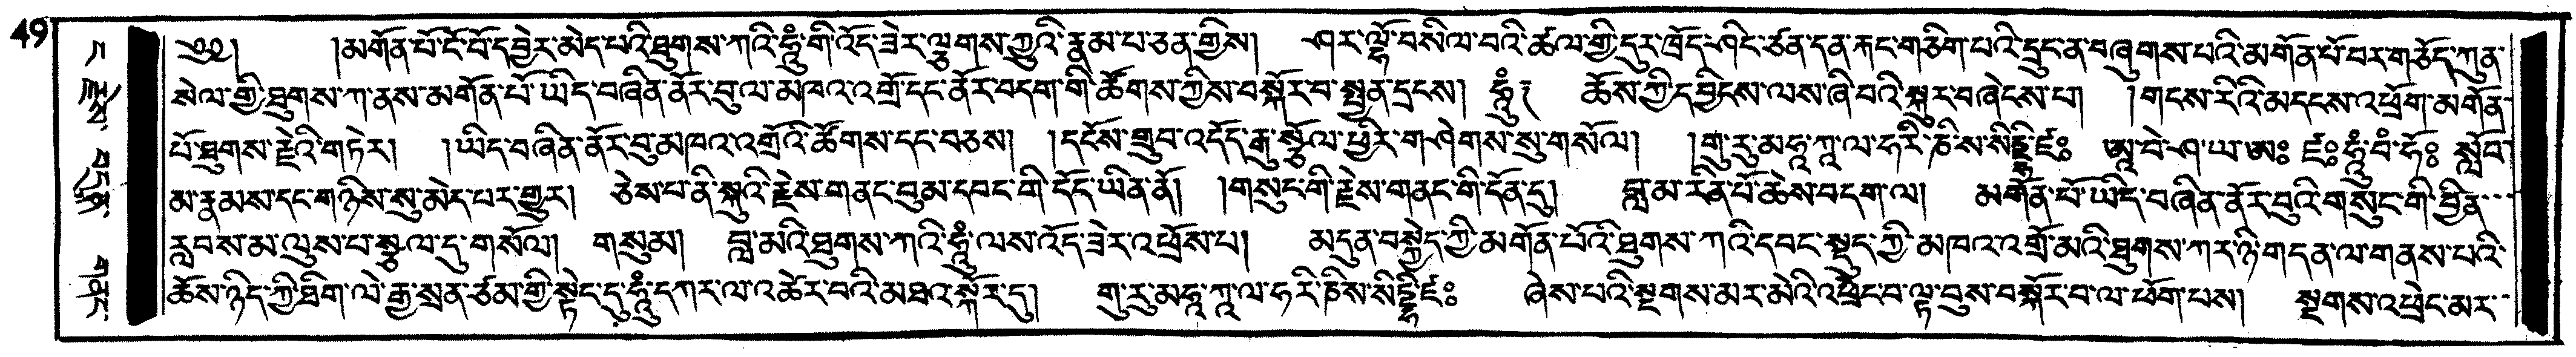༄༅། །མགོན་པོ་ངོ་བོ་དབྱེར་མེད་པའི་ཐུགས་ཀའི་ཧཱུཨཾ་གི་འོད་ཟེར་ལྕགས་ཀྱུའི་རྣམ་པ་ཅན་གྱིས། ཤར་ལྷོ་བསིལ་བའི་ཚལ་གྱི་དུར་ཁྲོད་ཤིང་ཙན་དན་རྐང་གཅིག་པའི་དྲུང་ན་བཞུགས་པའི་མགོན་པོ་བར་གཅོད་ཀུན་
སེལ་གྱི་ཐུགས་ཀ་ནས་མགོན་པོ་ཡིད་བཞིན་ནོར་བུ་ལ་མཁའ་འགྲོ་དང་ནོར་བདག་གི་ཚོགས་ཀྱིས་བསྐོར་བ་སྤྱན་དྲངས། ཧཱུཾ༑ ཆོས་ཀྱི་དབྱིངས་ལས་ཞི་བའི་སྐུར་བཞེངས་པ། །གངས་རིའི་མདངས་འཕྲོག་མགོན་
པོ་ཐུགས་རྗེའི་གཏེར། །ཡིད་བཞིན་ནོར་བུ་མཁའ་འགྲོའི་ཚོགས་དང་བཅས། །དངོས་གྲུབ་འདོད་རྒུ་སྩོལ་ཕྱིར་གཤེགས་སུ་གསོལ། །གུ་རུ་མྷཱ་ཀཱ་ལ་ཧརི་ཎི་ས་སིདྡྷི་ཛཿ ཨའ་བེ་ཤ་ཡ་ཨཿ ཛཿ ཧཱུཾ་བཾ་ཧོཿ སློབ་
མ་རྣམས་དང་གཉིས་སུ་མེད་པར་གྱུར། ཅེས་པ་ནི་སྐུའི་རྗེས་གནང་བུམ་དབང་གི་དོད་ཡིན་ནོ། །གསུང་གི་རྗེས་གནང་གི་དོན་དུ། བླ་མ་རིན་པོ་ཆེས་བདག་ལ། མགོན་པོ་ཡིད་བཞིན་ནོར་བུའི་གསུང་གི་བྱིན་
རླབས་མ་ལུས་པ་སྩལ་དུ་གསོལ། གསུམ། བླ་མའི་ཐུགས་ཀའི་ཧཱུཾ་ལས་འོད་ཟེར་འཕྲོས་པ། མདུན་བསྐྱེད་ཀྱི་མགོན་པོའི་ཐུགས་ཀའི་དབང་སྡུད་ཀྱི་མཁའ་འགྲོ་མའི་ཐུགས་ཀར་ཉི་གདན་ལ་གནས་པའི་
ཆོས་ཉིད་ཀྱི་ཐིག་ལེ་རྒྱ་སྲན་ཙམ་གྱི་སྟེང་དུ་ཧཱུཾ་དཀར་ལ་འཚེར་བའི་མཐའ་སྐོར་དུ། གུ་རུ་མྷཱ་ཀཱ་ལ་ཧརི་ཎིས་སིདྡྷི་ཛཿ ཞེས་པའི་སྔགས་མར་མེའི་འཕྲེང་བ་ལྟ་བུས་བསྐོར་བ་ལ་ཕོག་པས། སྔགས་འཕྲེང་མར་